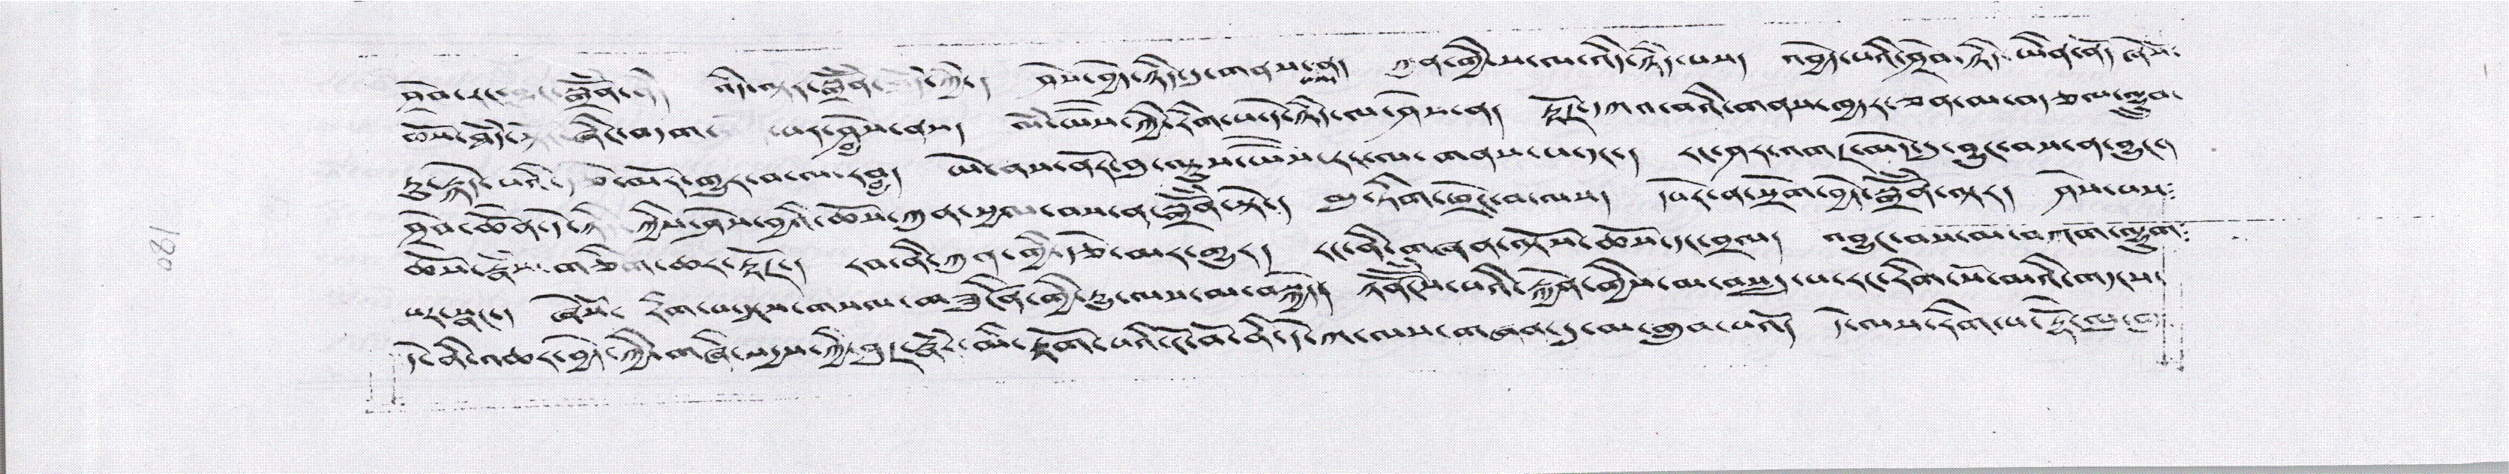ཤེས་རབ་རང་བྱུང་སྒྲོན་མེ་ནི། འདི་ལྟར་སྒྲོན་མ་ཐམས་ཅད་ཀྱི། ཤེས་བྱེད་ཉིད་དུ་གནས་པས་ན། ཀུན་གྱི་ས་ལ་འདི་ཉིད་པས། འབྱེད་པའི་ཤེས་རབ་ཉིད་ཡིན་ནོ། ཞེས་
ཆོས་ཐམས་ཅད་སྟོང་ཞིང་བདག་མེད་པར་ཤེས་ནས། ལམ་ཡེ་ཤེས་ཀྱི་རིག་པ་དེ་ཉིད་མ་ཤེས་ན། རྟོགས་དཀའ་བའི་གནས་ཁྱད་པར་ཅན་མ་བཙལ་ལྷུན་གྲུབ་
ཏུ་ཏུ་རྙེད་པའི་རྩེ་མོར་གྱུར་པ་ལ་རབ། ཡེ་ནས་ནོར་བུ་ལྟ་བུའི་ཡེ་ཤེས་རང་ལ་གནས་པ་དང་། རང་ཤར་འགག་མེད་དུ་བྱུང་བས་ན་བྱུང་། 
ཤེས་རབ་ཆེན་པོ་དེ་ཉིད་ཀྱིས་ཤེས་བྱའི་ཆོས་ཀུན་གསལ་བས་ན་སྒྲོན་མ་སྟེ། མུ་ཏིག་ཕྲེང་བ་ལས། དཔེར་ན་སྲེག་བྱེད་སྒྲོན་མ་ལྟར། ཤེས་པས་
ཆོས་རྣམས་གཅིག་ཆར་རྟོགས། རབ་ནི་ཀུན་གྱི་རྩེ་མར་གྱུར། རང་ནི་གཞན་ལྟོས་ཆོས་དང་བྲལ། འབྱུང་བས་མ་བཀག་ལྷུག་
པར་སྣང་། ཞེས་སོ། རིག་པ་དྭངས་གསལ་གཟུང་འཛིན་གྱི་རྒྱུ་ལས་མ་བསྐྱེད། ཉོན་མོངས་པའི་རྐྱེན་གྱིས་མ་བསླད་པ་རང་རིག་སོ་མའི་གདངས་
དེ་ནི་འཆར་བྱེད་ཀྱི་གཞི་སངས་རྒྱས་ཀྱི་ཐུགས་རྣམས་མི་རྟོག་པའི་ངོ་བོ་ནི་དེ་ཀ་ལས་གཞན་དུ་མ་གྲུབ་པའོ། དེ་ལས་རིག་པ་རྡོ་རྗེ་ལུ་གུ་